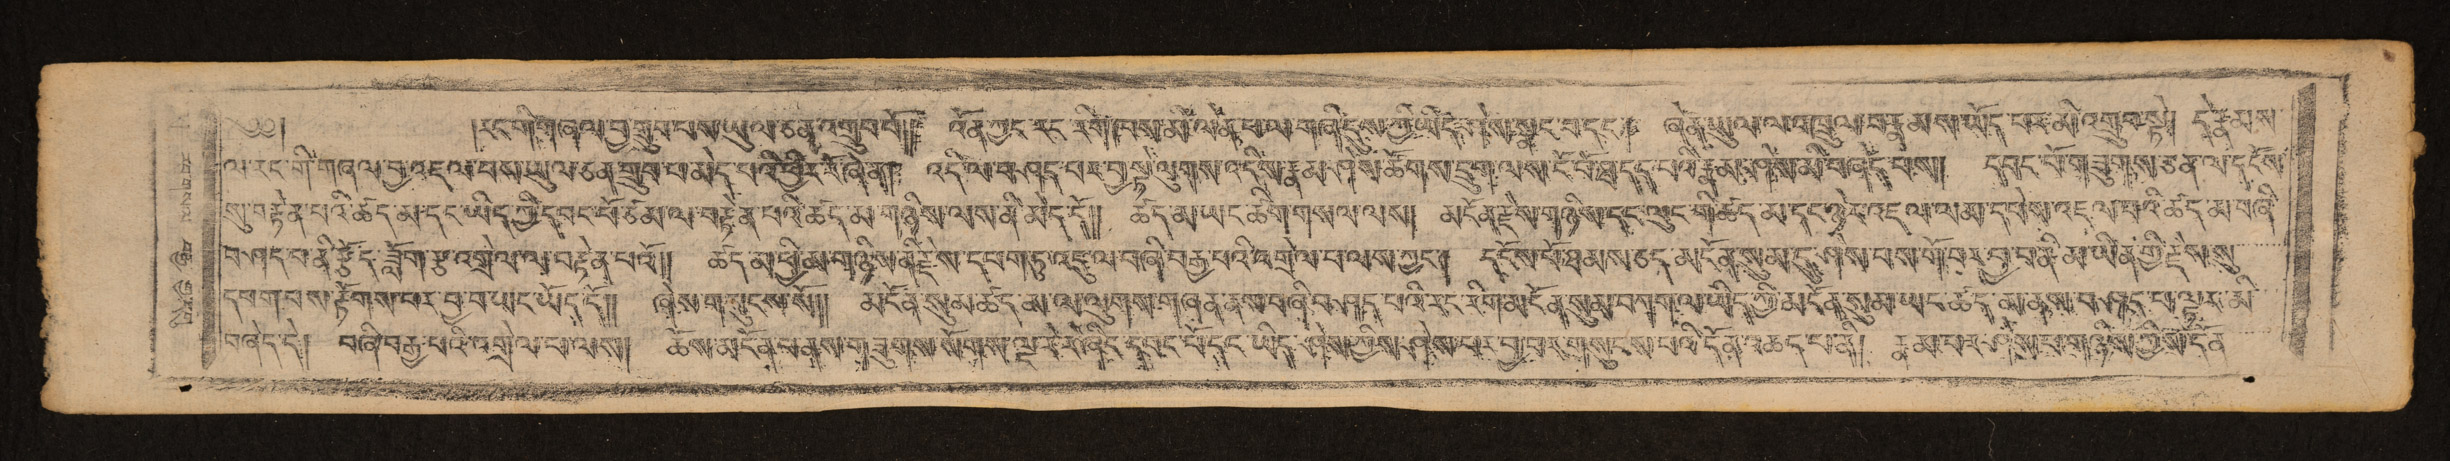༄༅། །རང་གི་གཞལ་བྱ་གྲུབ་པས་ཡུལ་ཅན་འགྲུབ་བོ།། འོན་ཀྱང་རང་རིག་ཁས་མི་ལེན་པ་ལ་གཞི་དུས་ཀྱི་ཡིད་ཤེས་སྣང་བ་དང་། ཞེན་ཡུལ་ལ་འཁྲུལ་པ་རྣམས་ཡོད་པར་མི་འགྲུབ་སྟེ། དེ་རྣམས་
ལ་རང་གི་གཞལ་བྱ་འཇལ་བས་ཡུལ་ཅན་གྲུབ་པ་མེད་པའི་ཕྱིར་རོ་ཞེ་ན། འདི་ལ་བཤད་པར་བྱ་སྟེ་ལུགས་འདིས་རྣམ་ཤེས་ཚོགས་དྲུག་ལས་ངོ་བོ་ཐ་དད་པའི་རྣམ་ཤེས་མི་བཞེད་པས། དབང་པོ་གཟུགས་ཅན་ལ་དངོས་
སུ་བརྟེན་པའི་ཚད་མ་དང་ཡིད་ཀྱི་དབང་པོ་ཙམ་ལ་བརྟེན་པའི་ཚད་མ་གཉིས་ལས་ནི་མེད་དོ།། ཚད་མ་ཡང་ཚིག་གསལ་ལས། མངོན་རྗེས་གཉིས་དང་ལུང་གི་ཚད་མ་དང་ཉེར་འཇལ་ལམ་དཔེས་འཇལ་བའི་ཚད་མ་བཞི་
བཤད་པ་ནི་རྩོད་ཟློག་རྩ་འགྲེལ་ལ་བརྟེན་པའོ།། ཚད་མ་ཕྱི་མ་གཉིས་ནི་རྗེས་དཔག་ཏུ་འདུ་ལ། བཞི་བརྒྱ་པའི་འགྲེལ་པ་ལས་ཀྱང་། དངོས་པོ་ཐམས་ཅད་མངོན་སུམ་དུ་ཤེས་པས་གོ་བར་བྱ་བ་ནི་མ་ཡིན་གྱི་རྗེས་སུ་
དཔག་པས་རྟོགས་པར་བྱ་བ་ཡང་ཡོད་དོ།། ཞེས་གསུངས་སོ།། མངོན་སུམ་ཚད་མ་ལ་ལུགས་གཞན་ནས་བཞི་བཤད་པའི་རང་རིག་མངོན་སུམ་བཀག་ལ་ཡིད་ཀྱི་མངོན་སུམ་ཡང་ཚད་མ་ནས་བཤད་པ་ལྟར་མི་
བཞེད་དེ། བཞི་བརྒྱ་པའི་འགྲེལ་པ་ལས། ཆོས་མངོན་པ་ནས་གཟུགས་སོགས་ལྔ་རེ་རེ་ཞིང་དབང་པོ་དང་ཡིད་ཤེས་ཀྱིས་ཤེས་པར་བྱ་བར་གསུངས་པའི་དོན་འཆད་པ་ནི། རྣམ་པར་ཤེས་པ་གཉིས་ཀྱིས་དོན་